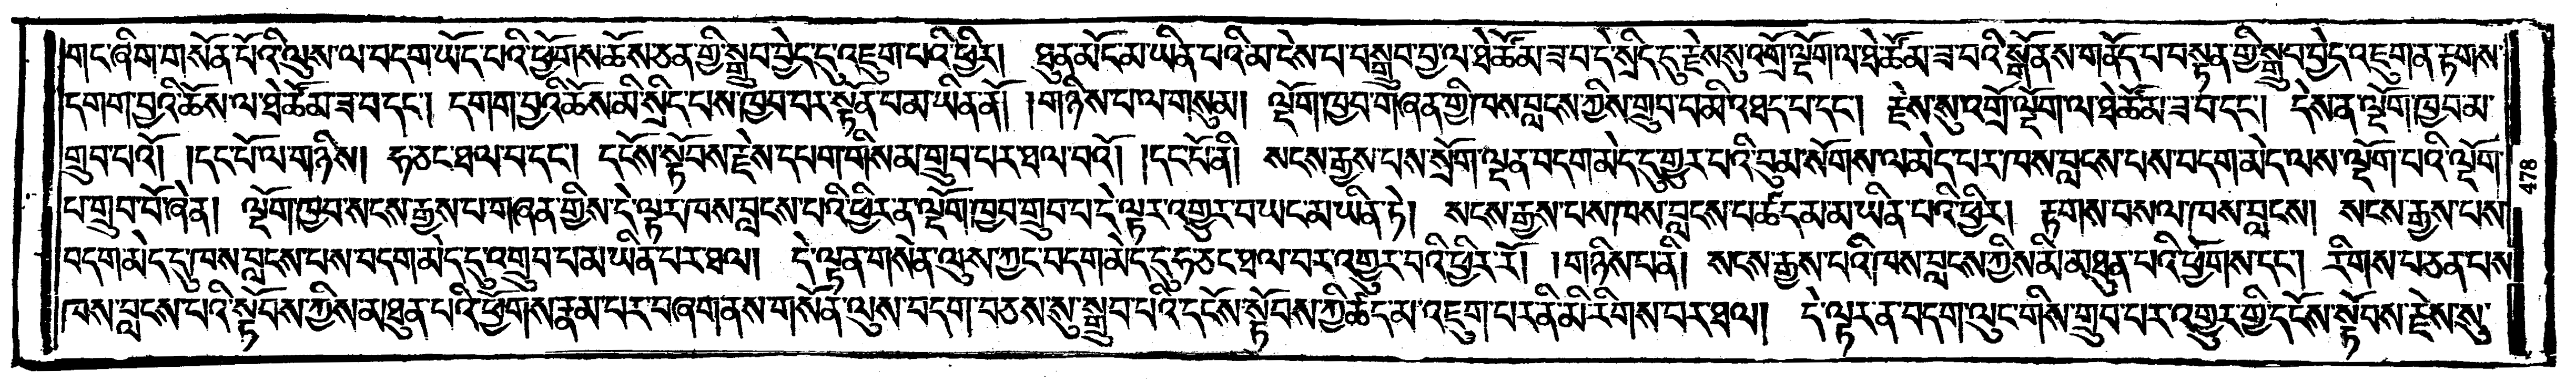གང་ཞིག་གསོན་པོའི་ལུས་ལ་བདག་ཡོད་པའི་ཕྱོགས་ཆོས་ཅན་གྱི་སྒྲུབ་བྱེད་དུ་འཇུག་པའི་ཕྱིར། ཐུན་མོང་མ་ཡིན་པའི་མ་ངེས་པ་བསྒྲུབ་བྱ་ལ་ཐེ་ཚོམ་ཟ་བ་དེ་སྲིད་དུ་རྗེས་སུ་འགྲོ་ལྡོག་ལ་ཐེ་ཚོམ་ཟ་བའི་སྒོ་ནས་གནོད་པ་བསྟན་གྱི་སྒྲུབ་བྱེད་འཇུག་ན་རྟགས་
དགག་བྱའི་ཆོས་ལ་ཐེ་ཚོམ་ཟ་བ་དང་། དགག་བྱའི་ཆོས་མི་སྲིད་པས་ཁྱབ་པར་སྟོན་པ་མ་ཡིན་ནོ། །གཉིས་པ་ལ་གསུམ། ལྡོག་ཁྱབ་གཞན་གྱི་ཁས་བླངས་ཀྱིས་གྲུབ་བ་མི་འཐད་པ་དང་། རྗེས་སུ་འགྲོ་ལྡོག་ལ་ཐེ་ཚོམ་ཟ་བ་དང་། དེས་ན་ལྡོག་ཁྱབ་མ་
གྲུབ་པའོ། །དང་པོ་ལ་གཉིས། ཧ་ཅང་ཐལ་བ་དང་། དངོས་སྟོབས་རྗེས་དཔག་གིས་མ་གྲུབ་པར་ཐལ་བའོ། །དང་པོ་ནི། སངས་རྒྱས་པས་སྲོག་ལྡན་བདག་མེད་དུ་གྱུར་པའི་བུམ་སོགས་ལ་མེད་པར་ཁས་བླངས་པས་བདག་མེད་ལས་ལྡོག་པའི་ལྡོག་
པ་གྲུབ་བོ་ཞེ་ན། ལྡོག་ཁྱབ་སངས་རྒྱས་པ་གཞན་གྱིས་དེ་ལྟར་ཁས་བླངས་པའི་ཕྱིར་ན་ལྡོག་ཁྱབ་གྲུབ་པ་དེ་ལྟར་འགྱུར་བ་ཡང་མ་ཡིན་ཏེ། སངས་རྒྱས་པས་ཁས་བླངས་པ་ཚད་མ་མ་ཡིན་པའི་ཕྱིར། རྟགས་བསལ་ཁས་བླངས། སངས་རྒྱས་པས་
བདག་མེད་དུ་ཁས་བླངས་པས་བདག་མེད་དུ་འགྲུབ་པ་མ་ཡིན་པར་ཐལ། དེ་ལྟ་ན་གསེན་ལུས་ཀྱང་བདག་མེད་དུ་ཧ་ཅང་ཐལ་བར་འགྱུར་བའི་ཕྱིར་རོ། །གཉིས་པ་ནི། སངས་རྒྱས་པའི་ཁས་བླངས་ཀྱིས་མི་མཐུན་པའི་ཕྱོགས་དང་། རིགས་པ་ཅན་པས་
ཁས་བླངས་པའི་སྟོབས་ཀྱིས་མཐུན་པའི་ཕྱོགས་རྣམ་པར་བཞག་ནས་གསོན་ལུས་བདག་བཅས་སུ་སྒྲུབ་པའི་དངོས་སྟོབས་ཀྱི་ཚད་མ་འཇུག་པར་ནི་མི་རིགས་པར་ཐལ། དེ་ལྟར་ན་བདག་ལུང་གིས་གྲུབ་པར་འགྱུར་གྱི་དངོས་སྟོབས་རྗེས་སུ་